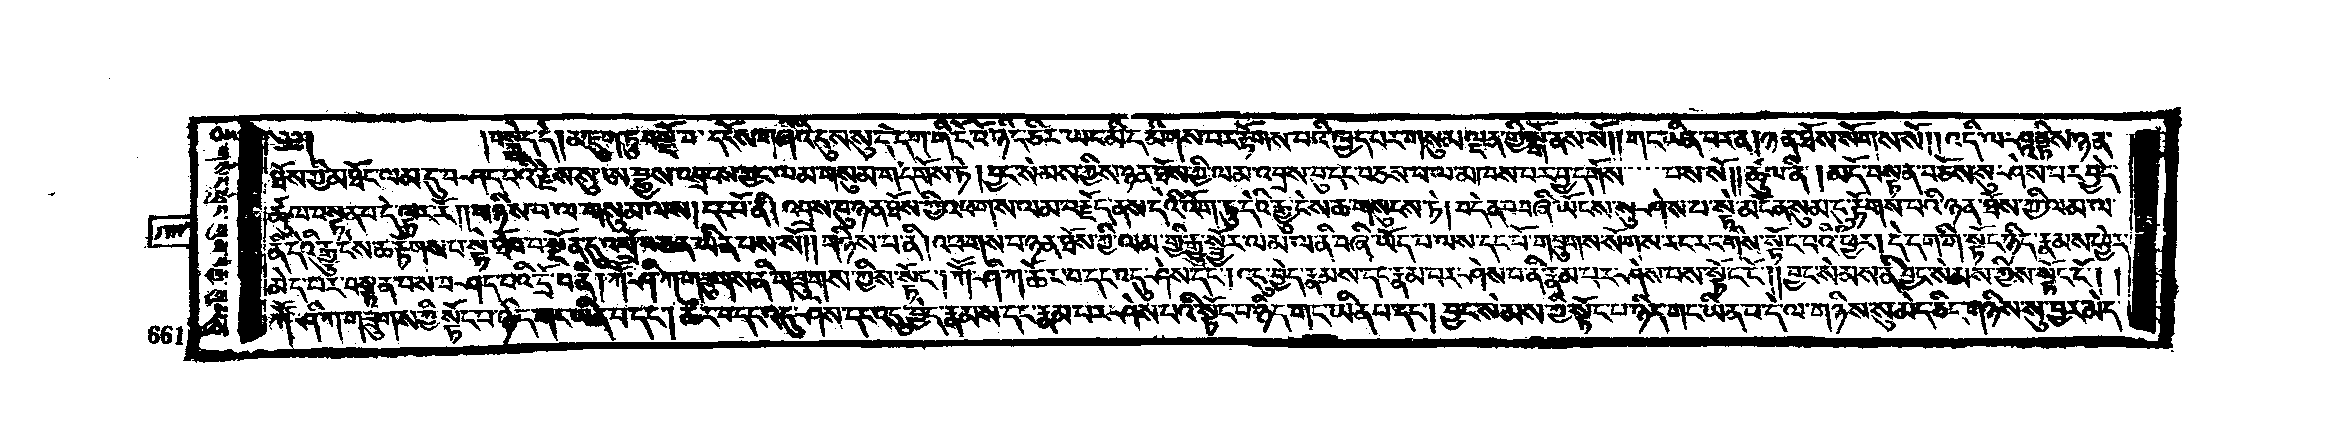༄༅། །བསྐྱེད་དེ། མཇུག་ཏུ་བསྔོ་བ་དངོས་གཞིའི་དུས་སུ་དེ་དག་གི་ངོ་བོ་ཉིད་ཅིར་ཡང་མི་དམིགས་པར་རྟོགས་པའི་ཁྱད་པར་གསུམ་ལྡན་གྱི་སྒོ་ནས་སོ། །གང་ཡིན་པར་ན། ཉན་ཐོས་སོགས་སོ། །འདི་ལ་ཤཱནྟིས་ཉན་
ཐོས་ཀྱི་མཐོང་ལམ་དུ་བཤད་པའི་རྗེས་སུ་ཨ་བྷྱས་འབྲངས་ཀྱང་ལམ་གསུམ་གི་དགོས་ཏེ། བྱང་སེམས་ཀྱིས་ཉན་ཐོས་ཀྱི་ལམ་འབྲས་བུ་དང་བཅས་པ་ལ་མཁས་པར་བྱ་དགོས་པས་སོ། །ཚུལ་ནི། མདོ་བསྟན་བཅོས་སུ་ཤེས་པར་བྱེད་
ཚུལ་བསྟན་པ་དེ་ལྟར་རོ། །གཉིས་པ་ལ་གསུམ་ལས། དང་པོ་ནི། འབྲས་བུ་ཉན་ཐོས་ཀྱི་འཕགས་ལམ་བརྗོད་ནས་དེའི་འོག་ཏུ་དེའི་རྒྱུ་ངེས་ཆ་གསུངས་ཏེ། བདེན་པ་བཞི་ཡོངས་སུ་ཤེས་པ་སྟེ་མངོན་སུམ་དུ་རྟོགས་པའི་ཉན་ཐོས་ཀྱི་ལམ་ལ་
ནི་དེའི་རྒྱུ་ངེས་ཆ་རྟོགས་པ་སྟེ་ཐོབ་པ་སྔོན་དུ་འགྲོ་བ་ཅན་ཡིན་པས་སོ། །གཉིས་པ་ནི། འཕགས་པ་ཉན་ཐོས་ཀྱི་ལམ་གྱི་གྱུ་སྦྱོར་ལམ་ལ་ནི་བཞི་ཡོད་པ་ལས་དང་པོ་གཟུགས་སོགས་རང་རང་གིས་སྟོང་པའི་ཕྱིར། དེ་དག་གི་སྟོང་ཉིད་རྣམས་དབྱེར་
མེད་པར་བསྟན་པས་བཤད་པའི་དྲོ་བ་ནི། ཀཽ་ཤི་ཀ་གཟུགས་ནི་གཟུགས་ཀྱིས་སྟོང་། ཀཽ་ཤི་ཀ་ཚོར་བ་དང་འདུ་ཤེས་དང་། འདུ་བྱེད་རྣམས་དང་རྣམ་པར་ཤེས་པ་ནི་རྣམ་པར་ཤེས་པས་སྟོང་ངོ། །བྱང་སེམས་ནི་བྱང་སེམས་ཀྱིས་སྟོང་ངོ། །
ཀཽ་ཤི་ཀ་གཟུགས་ཀྱི་སྟོང་པ་ཉིད་གང་ཡིན་པ་དང་། ཚོར་བ་དང་འདུ་ཤེས་དང་འདུ་བྱེད་རྣམས་དང་རྣམ་པར་ཤེས་པའི་སྟོང་པ་ཉིད་གང་ཡིན་པ་དང་། བྱང་སེམས་ཀྱི་སྟོང་པ་ཉིད་གང་ཡིན་པ་དེ་ལ་གཉིས་སུ་མེད་ཅིང་གཉིས་སུ་བྱར་མེད་